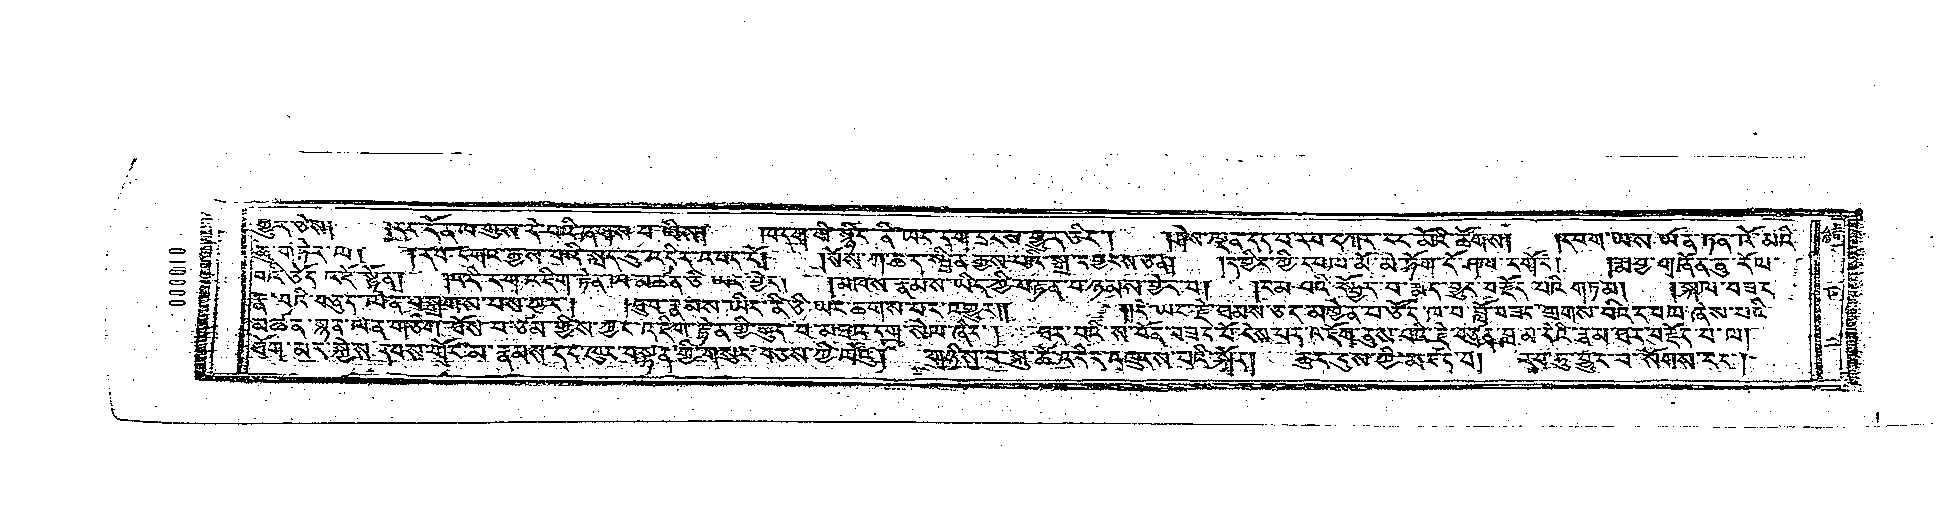གྱུར་ཅེས། །རང་དོན་ལ་གུས་དེ་བའི་ཞགས་པ་ཡིས། །བདག་གི་སྙིང་ནི་ཡང་དག་དྲངས་གྱུར་ཅིང་། །ཤེས་ལྡན་དད་པ་རབ་དཀར་དང་མོའི་ཚོགས། །དཔལ་ཡས་ཡོན་ཏན་འོ་མའི་
ཆུ་གཏེར་ལ། །རབ་དགའ་རྒྱས་པའི་སླད་དུ་འདིར་འབད་དོ། །སོས་ཀ་ཆར་སྤྲིན་རྒྱས་པའི་སྒྲ་དབྱངས་ཅན། །དཔྱིད་ཀྱི་དཔལ་མོ་མེ་ཏོག་དོ་ཤལ་དགོང་། །རྨ་བྱ་གཞོན་ནུ་རོལ་
བའི་ཅོད་འཇོ་སྟོན། །འདི་དག་འཇིག་རྟེན་ཡ་མཚན་ཅི་ཡང་བྱེད། །མཁས་རྣམས་ཡིད་ཀྱི་བརྟན་པ་ཉམས་བྱེད་པ། །བམ་པའི་སྤྱོད་པ་རྨད་བྱུང་བརྗོད་པའི་གཏམ། །སྐལ་བཟང་
རྣ་བའི་བཅུད་ལེན་བསྒྲགས་པས་ཀྱང་། །ཐུབ་རྣམས་ཡིད་ནི་ཅི་ཡང་ཆགས་པར་འགྱུར།། །།དེ་ཡང་རྗེ་ཐམས་ཅད་མཁྱེན་པ་ཙོང་ཁ་པ་བློ་བཟང་གྲགས་པའི་དཔལ་ཞེས་པའི་
མཚན་སྙན་ལན་གཅིག་ཐོས་པ་ཙམ་གྱིས་ཀྱང་འཇིག་རྟེན་གྱི་རྒུད་བ་མཐའ་དག་སེལ་ཞིང་། ཐར་པའི་ས་བོན་བཟང་པོ་ངེས་པར་འཇོག་ནུས་པའི་རྗེ་བཙུན་བླ་མ་དེའི་རྣམ་ཐར་བརྗོད་པ་ལ།
ཐོག་མར་སྐྱེས་རབས་གོང་མ་རྣམས་དང་ལུང་བསྟན་གྱི་གསུང་བཅས་ཀྱི་ལེའུ། གཉིས་བ་སྐུ་ཚེ་འདིར་འཁྲུངས་པའི་སྐོར། ཆུང་དུས་ཀྱི་མཛད་པ། རབ་ཏུ་བྱུང་བ་སོགས་དང་།